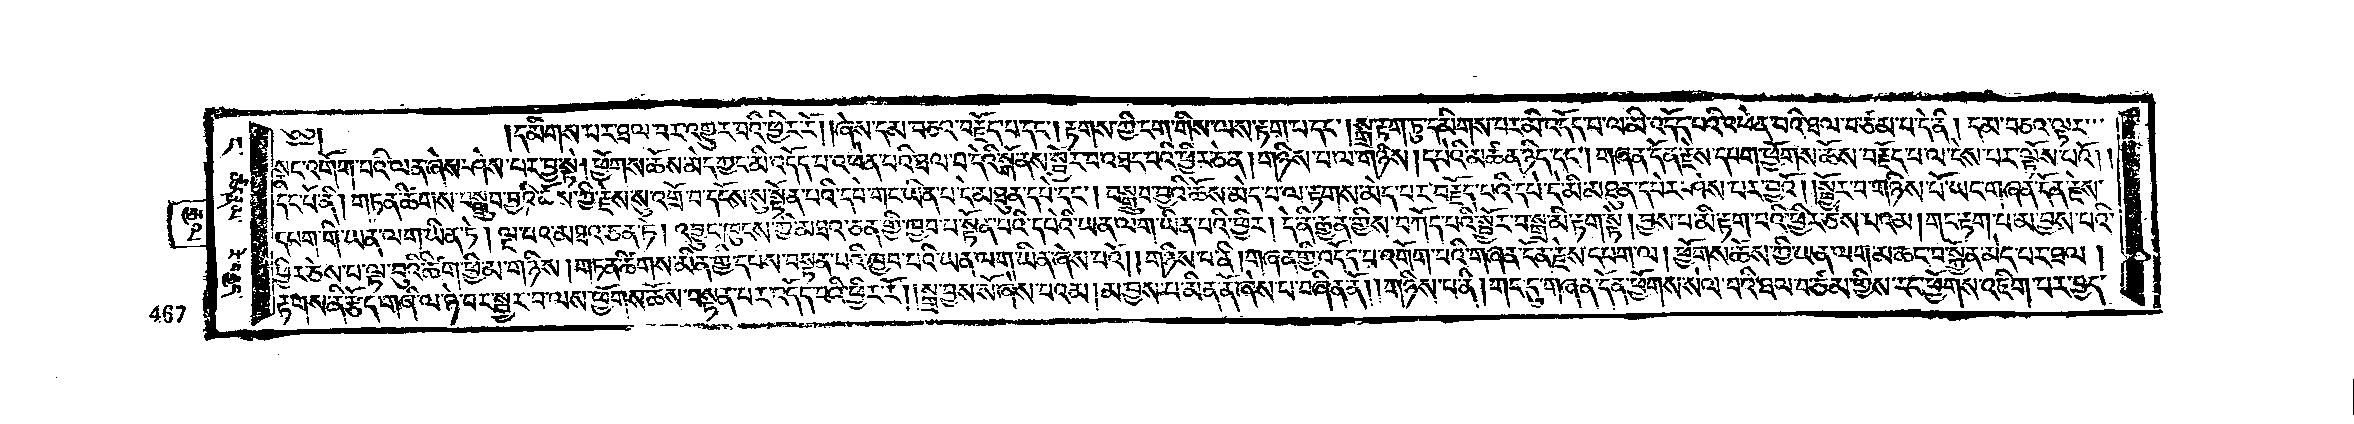༄༅། །དམིགས་པར་ཐལ་བར་འགྱུར་བའི་ཕྱིར་རོ། །ཞེས་དམ་བཅའ་བརྗོད་པ་དང་། རྟགས་ཀྱི་ངག་གིས་ལས་རྟག་པ་དང་། སྒྲ་རྟག་ཏུ་དམིགས་པར་མི་འདོད་པ་ལ་མི་འདོད་པའི་འཕེན་བའི་ཐལ་བ་ཙམ་པ་དེ་ནི། དམ་བཅའ་ལྟར་
སྣང་འགོག་པའི་ལན་ཞེས་ཤེས་པར་བྱ་སྟེ། ཕྱོགས་ཆོས་མེད་ཀྱང་མི་འདོད་པ་འཕེན་པའི་ཐལ་བ་དེའི་སྒོ་ནས་སྦྱོར་བ་འཐད་བའི་ཕྱིར་ཅེ་ན། གཉིས་པ་ལ་གཉིས། དཔེའི་མཚན་ཉིད་དང་། གཞན་དོན་རྗེས་དཔག་ཕྱོགས་ཆོས་བརྗོད་པ་ལ་ངེས་པར་ལྟོས་པའོ། །
དང་པོ་ནི། གཏན་ཚིགས་བསྒྲུབ་བྱའི་ཆོས་ཀྱི་རྗེས་སུ་འགྲོ་བ་དངོས་སུ་སྟོན་པའི་དཔེ་གང་ཡིན་པ་དེ་མཐུན་དཔེ་དང་། བསྒྲུབ་བྱའི་ཆོས་མེད་པ་ལ་རྟགས་མེད་པར་བརྗོད་པའི་དཔེ་དེ་མི་མཐུན་དཔེར་ཤེས་པར་བྱའོ། །སྦྱོར་བ་གཉིས་པོ་ཡང་གཞན་དོ་རྗེས་
དཔག་གི་ཡན་ལག་ཡིན་ཏེ། ལྔ་པའི་མཐའ་ཅན་ཏེ། འབྱུང་ཁུངས་ཀྱི་མཐའ་ཅན་གྱི་ཁྱབ་པ་སྟོན་པའི་དཔེའི་ཡན་ལག་ཡིན་པའི་ཕྱིར། དེ་ནི་རྒྱན་གྱིས་བཀོད་པའི་སྦྱོར་བ་སྒྲ་མི་རྟག་སྟེ། བྱས་པ་མི་རྟག་པའི་ཕྱིར་ཅེས་པའམ། གང་རྟག་པ་མ་བྱས་པའི་
ཕྱིར་ཅེས་པ་ལྟ་བུའི་ཚིག་ཕྱི་མ་གཉིས། གཏན་ཚིགས་མིན་གྱི་དཔས་བསྟན་པའི་ཁྱབ་པའི་ཡན་ལག་ཡིན་ཞེས་པའོ། །གཉིས་པ་ནི། གཞན་གྱི་འདོད་པ་འགོག་པའི་གཞན་དོན་རྗེས་དཔག་ལ། ཕྱོགས་ཆོས་ཀྱི་ཡན་ལག་མཚང་བ་སྐྱོན་མེད་པར་ཐལ།
རྟགས་ནི་རྩོད་གཞི་ལ་ཉེ་བར་སྦྱར་བ་ལས་ཕྱོགས་ཆོས་བསྟན་པར་འདོད་པའི་ཕྱིར་རོ། །སྒྲ་བྱས་སོ་ཞེས་པའམ། མ་བྱས་པ་མིན་ནོ་ཞེས་པ་བཞིན་ནོ། །གཉིས་པ་ནི། གང་དུ་གཞན་དོན་ཕྱོགས་སེལ་བའི་ཐལ་པ་ཙམ་གྱིས་རང་ཕྱོགས་འཇིག་པར་བྱད་